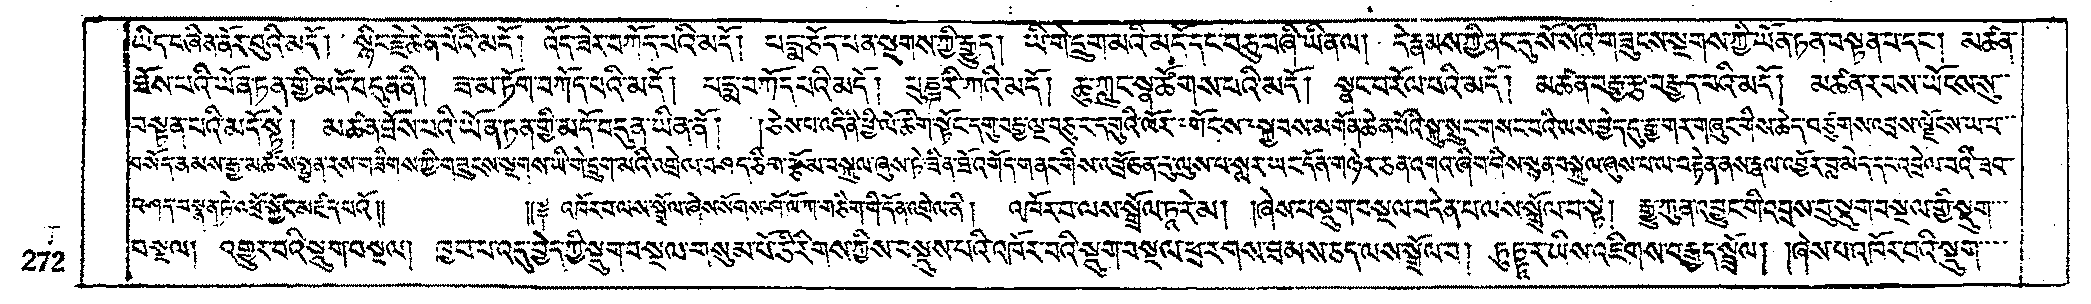ཡིད་བཞིན་ནོར་བུའི་མདོ། སྙིང་རྗེ་ཆེན་པོའི་མདོ། འོད་ཟེར་བཀོད་པའི་མདོ། པདམ་ཅོད་པ་ན་སྔགས་ཀྱི་རྒྱུད། ཡི་གེ་དྲུག་མའི་མདོ་དང་བཅུ་བཞི་ཡིན་ལ། དེ་རྣམས་ཀྱི་ནང་དུ་སོ་སོའི་གཟུངས་སྔགས་ཀྱི་ཡོན་ཏན་བསྟན་པ་དང་། མཚན་
ཐོས་པའི་ཡོན་ཏན་གྱི་མདོ་བདུན་ནི། ཟ་མ་ཏོག་བཀོད་པའི་མདོ། པདམ་བཀོད་པའི་མདོ། པུཎྜ་རི་ཀའི་མདོ། ཆུ་ཀླུང་སྣ་ཚོགས་པའི་མདོ། སྣང་བ་རོལ་པའི་མདོ། མཚན་བརྒྱ་རྩ་བརྒྱད་པའི་མདོ། མཚན་རབས་ཡོངས་སུ་་་
བསྟན་པའི་མདོ་སྟེ། མཚན་ཐོས་པའི་ཡོན་ཏན་གྱི་མདོ་བདུན་ཡིན་ནོ། །ཅེས་པ་འདི་ནི་ཕྱི་ལོ་ཚིག་སྟོང་དགུ་བརྒྱ་ལྔ་བཅུ་ང་དགུའི་ལོར ༧གོང་ས ༧སྐྱབས་མགོན་ཆེན་པོའི་སྐུ་སྲུང་གསང་བའི་ལས་བྱེད་དུ་རྒྱ་གར་གཞུང་གིས་ཆེད་བཙུགས་འབྲས་ལྗོངས་ཡ་པ་་་
བསོད་ནམས་རྒྱ་མཚོ་ས་སྤྱན་རས་གཟིགས་ཀྱི་གཟུངས་སྔགས་ཡི་གེ་དྲུག་མའི་འགྲེལ་བཤད་ཅིག་རྩོམ་བསྐུལ་ཞུས་ཏེ་ཟིན་ཐོ་འགོད་གནང་གིས་འཕྲོ་ཅན་དུ་ལུས་པ་སླར་ཡང་དོན་གཉེར་ཅན་འགའ་ཞིག་གིས་སྙན་བསྐུལ་ཞུས་པ་ལ་བརྟེན་ནས་རྣལ་འབྱོར་བླ་མེད་དང་འབྲེལ་བའི་ཟབ་་་
བཤད་བསྣན་ཏེ་འཕྲོ་སྐྱོང་མཛད་པའོ།། །། འ་འཁོར་བ་ལས་སྒྲོལ་ཞེས་སོགས་ཤོ་ལོ་ཀ་གཅིག་གི་དོན་འགྲེལ་ནི། འཁོར་བ་ལས་སྒྲོལ་ཏཱ་རེ་མ། །ཞེས་པ་སྡུག་བསྔལ་བདེན་པ་ལས་སྒྲོལ་བ་སྟེ། རྒྱུ་ཀུན་འབྱུང་གི་འབྲས་བུ་སྡུག་བསྔལ་གྱི་སྡུག་་་
བསྔལ། འགྱུར་བའི་སྡུག་བསྔལ། ཁྱབ་པ་འདུ་བྱེད་ཀྱི་སྡུག་བསྔལ་གསུམ་པོ་ཅི་རིགས་ཀྱིས་བསྡུས་པའི་འཁོར་བའི་སྡུག་བསྔལ་ཕྲ་རགས་ཐམས་ཅད་ལས་སྒྲོལ་བ། ཏུཏྟཱ་ར་ཡིས་འཇིགས་བརྒྱད་སྒྲོལ། །ཞེས་པ་འཁོར་བའི་སྡུག་་་